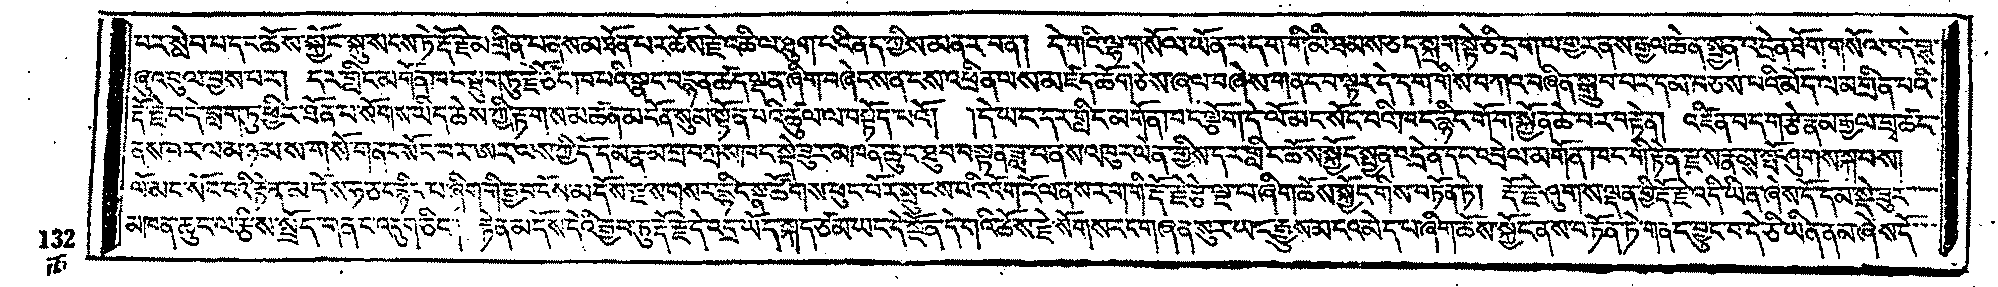པར་སླེབ་པ་དང་ཆོས་སྐྱོང་སྐུ་སངས་ཏེ་རྡོ་རྗེ་མགྲིན་པ་ནས་མཐོན་པར་ཆོས་རྗེ་འཆི་ལ་ཐུག་པའི་ནད་ཀྱིས་མནར་བ་ན། དེ་གའི་ལྷ་གསོལ་ཡོན་བདག་གི་མི་ཐམས་ཅད་སྐྲག་སྟེ་ཅི་དྲག་ལ་གྱར་ནས་རྒྱལ་ཆེན་སྤྱན་འདྲེན་ཐོག་གསོལ་འདེབས་
ཞུ་འབུལ་བྱས་པར། དར་གླིང་མགོན་ཁང་སྦུག་ཏུ་རྗེ་ཙོང་ཁ་པའི་སྣང་བརྙན་ཚད་ལྡན་ཞིག་བཞེངས་ན་ངས་འཕྲིན་ལས་མཛད་ཆོག་ཅེས་ཞལ་བཞེས་གནང་བ་ལྟར་དེ་དག་གིས་བཀའ་བཞིན་སྒྲུབ་པར་དམ་བཅས་པའི་མོད་ལ་མགྲིན་པའི་
རྡོ་རྗེ་བདེ་བླག་ཏུ་ཕྱིར་ཐོན་པ་སོགས་ཡིད་ཆེས་ཀྱི་རྟགས་མཚན་མངོན་སུམ་སྟོན་པའི་ཚུལ་ལ་བསྟོད་པའོ། །དེ་ཡང་དར་གླིང་མགོན་ཁང་ལྕོག་དེ་ལོ་མང་སོང་བའི་ཁང་རྙིང་གོག་སྐྱོན་ཆེ་བར་བརྟེན། འཛིན་བདག་རྩེ་རྣམ་རྒྱལ་གྲྭ་ཚང་
ནས་བར་ལམ་ཉམས་གསོ་གནང་སོང་བར་ཨར་ལས་ཀྱི་དོ་དམ་རྣམ་གྲ་བཀྲས་ཁང་སྡེ་ཟུར་མཁན་ཆུང་ཐུབ་བསྟན་ཟླ་བ་ནས་འཁུར་ལེན་གྱིས་དར་གླིང་ཆོས་སྐྱོང་སྤྱན་འདྲེན་དང་འབྲེལ་མགོན་ཁང་གི་རྟེན་རྫས་རྣམས་སྤོ་ཤུགས་སྐབས།
ལོ་མང་སོང་བའི་རྟེན་མདོས་ཧ་ཅང་རྙིང་པ་ཞིག་གི་རྒྱབ་ངོས་མདོས་རྫས་གསར་རྙིང་སྣ་ཚོགས་ཕུང་པོར་སྤུངས་པའི་འོག་རོལ་ནས་རག་གི་རྡོ་རྗེ་རྩེ་ལྔ་པ་ཞིག་ཆོས་སྐྱོང་གིས་བཏོན་ཏེ། རྡོ་རྗེ་ཤུགས་ལྡན་གྱི་རྡོ་རྗེ་འདི་ཡིན་ཞེས་དོ་དམ་སྡེ་ཟུར་
མཁན་ཆུང་ལ་རྩིས་སྤྲོད་གནང་འདུག་ཅིང་། རྟེན་མདོས་དེའི་རྒྱབ་ཏུ་རྡོ་རྗེ་དེ་འདྲ་ཡོད་སྐད་ཙམ་ཡང་དེ་སྔོན་དེ་གའི་ཆོས་རྗེ་སོགས་རང་གཞན་སུར་ཡང་རྒྱུས་མངའ་མེད་པ་ཞིག་ཆོས་སྐྱོང་ནས་བཏོན་ཏེ་གནང་བྱུང་བ་དེ་ཅི་ཡིན་ནམ་ཞེས་དོ་